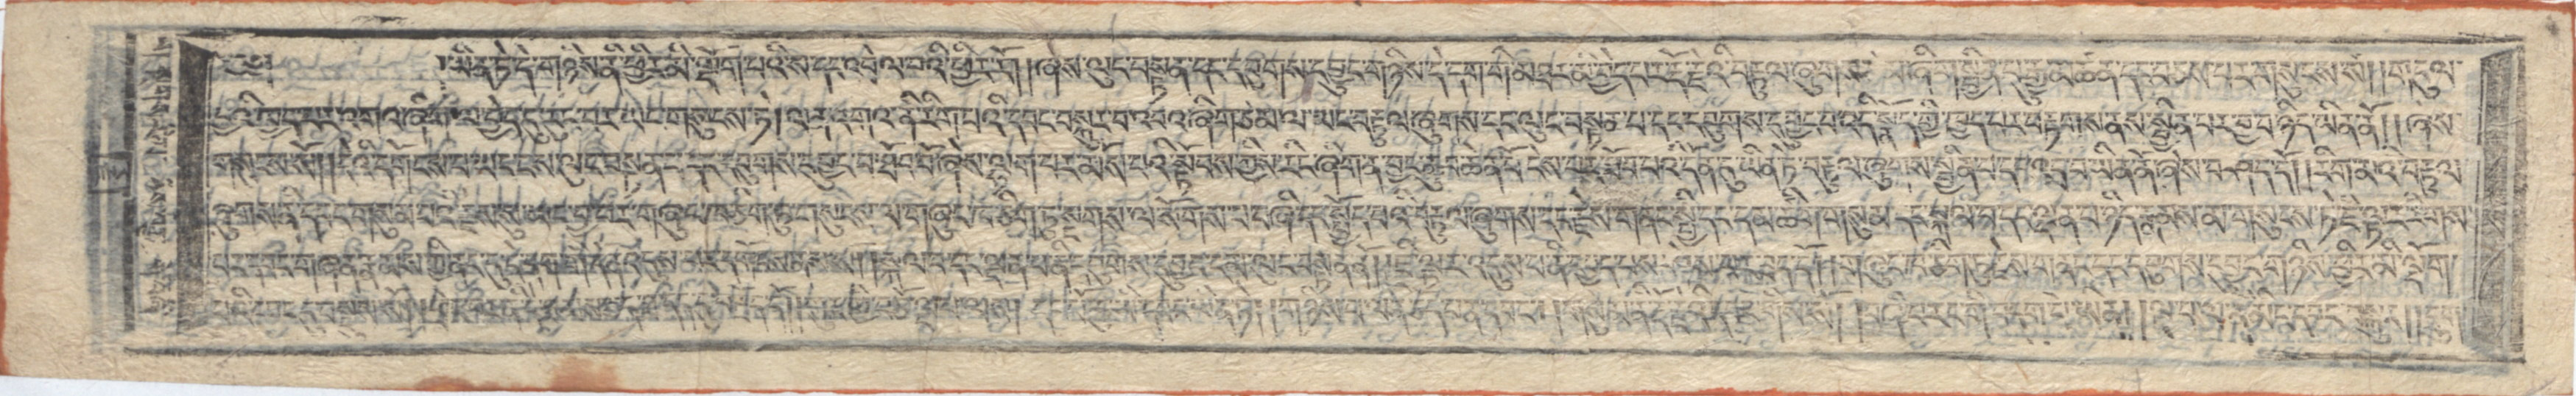༄༅། །ཡིན་ཏེ་དེ་གཉིས་ནི་ཕྱིར་མི་ལྡོག་པའི་ས་དང་འབྲེལ་བའི་ཕྱིར་རོ། །ཞེས་ལུང་བསྟན་དང་དབུགས་དབྱུང་གཉིས་དེ་དག་གི་མཐར་མི་བྱེད་པར་རྡོ་རྗེའི་བརྟུལ་ཞུགས་ཙམ་ཞིག་སྦྱིན་པ་རྒྱུ་མཚན་དང་བཅས་པར་གསུངས་སོ། །གདུལ་
བྱའི་ཁྱད་པར་འགའ་ཞིག་ལ་བྱེད་དུ་རུང་བར་ཡང་གསུངས་ཏེ། ལན་འགའ་ནི་རིག་པའི་དབང་བསྐུར་བ་འབའ་ཞིག་ཙམ་ལ་ཡང་བརྟུལ་ཞུགས་དང་ལུང་བསྟན་པ་དང་དབུགས་དབྱུང་བ་འདི་སྣོད་གྱི་ཁྱད་པར་བརྟགས་ནས་སྦྱིན་པར་བྱ་བ་ཉིད་ཡིན་ནོ། །ཞེས་
གསུངས་སོ། །དེའི་དགོངས་པ་ཡང་ངས་ལུང་བསྟན་པ་དང་དབུགས་དབྱུང་བ་ཐོབ་བོ་ཞེས་ལྷག་པར་མོས་པའི་སྟོབས་ཀྱིས་རིང་ཞིག་ན་བྱང་ཆུབ་ཆེན་པོ་ངེས་པར་ཐོབ་པའི་དོན་དུ་ཡིན་ཏེ་བརྟུལ་ཞུགས་སྦྱིན་པ་དང་འདྲ་བ་ཡིན་ནོ་ཞེས་བཤད་དོ། །རིག་མའི་བརྟུལ་
ཞུགས་ནི་དབང་གསུམ་པའི་རྗེས་སུ་ཡང་བྱ་བར་གཞུང་ཁ་ཅིག་ཏུ་གསུངས་ལ་གཞུང་ཁ་ཅིག་ཏུ་སྔགས་ལ་སོགས་པ་བཞི་དང་སྤྱོད་པའི་བརྟུལ་ཞུགས་དང་རྗེས་གནང་སྤྱི་དང་དམ་ཚིག་གསུམ་དང་སྐལ་བ་དང་ལྡན་པ་ཉིད་རྣམས་མ་གསུངས་ཏེ་ཇི་ལྟར་རིགས་
པར་དབང་གཞན་རྣམས་ཀྱི་ནང་དུ་དེ་དག་གི་དོན་འདུས་པར་དགོངས་ནས་སོ། །སྐལ་བ་དང་ལྡན་པ་ནི་དབུགས་དབྱུང་ངམ་ལུང་བསྟན་ནོ། །ཇི་ལྟར་འདུས་པ་ནི་དཔྱད་པས་ཤེས་པར་ཟད་དོ། །གཞུང་ཁ་ཅིག་ཏུ་རྗེས་གནང་དང་དབུགས་དབྱུང་གཉིས་ཕྱིར་མི་ལྡོག་
པའི་དབང་དུ་བསྡུས་སོ། །ཕྲེང་བར་ནི་དེ་ཐམས་ཅད་ཐ་དད་དུ་བརྗོད་དོ། །གུར་གྱི་བཅོ་ལྔ་པ་ལས། དང་པོ་ཆུ་ཡི་དབང་ཡིན་ཏེ། །གཉིས་པ་ལ་ནི་ཅོད་པ་ན་དབང་། །གསུམ་ནི་རྡོ་རྗེའི་དབང་གིས་སོ། །བཞི་པ་རང་གི་བདག་པོ་ཡིན། །ལྔ་པ་ལ་ནི་མིང་དབང་བསྐུར། །དྲུག་